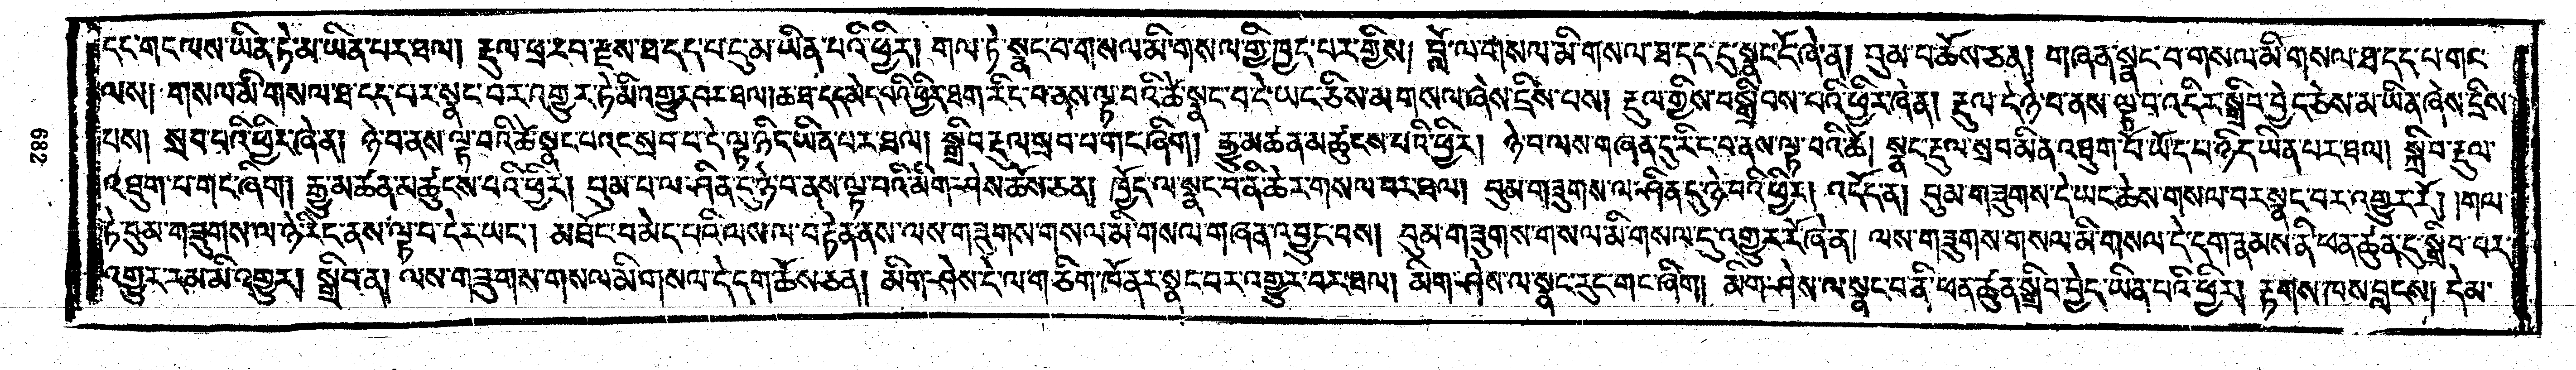དང་གང་ལས་ཡིན་ཏེ་མ་ཡིན་པར་ཐལ། རྡུལ་ཕྲ་རབ་རྫས་ཐ་དད་པ་དུ་མ་ཡིན་པའི་ཕྱིར། གལ་ཏེ་སྣང་བ་གསལ་མི་གསལ་གྱི་ཁྱད་པར་གྱིས། བློ་ལ་གསལ་མི་གསལ་ཐ་དད་དུ་སྣང་ངོ་ཞེ་ན། བུམ་པ་ཆོས་ཅན། གཞན་སྣང་བ་གསལ་མི་གསལ་ཐ་དད་པ་གང་
ལས། གསལ་མི་གསལ་ཐ་དད་པར་སྣང་བར་འགྱུར་ཏེ་མི་འགྱུར་བར་ཐལ། ཆ་ཐ་དད་མེད་པའི་ཕྱིར་ཐག་རིང་བ་ནས་ལྟ་བའི་ཚེ་སྣང་བ་དེ་ཡང་ཅིས་མ་གསལ་ཞེས་དྲིས་པས། རྡུལ་གྱིས་བསྒྲིབས་པའི་ཕྱིར་ཞེ་ན། རྡུལ་དེ་ཉེ་བ་ནས་ལྟ་བ་འདིར་སྒྲིབ་བྱེད་ཅེས་པ་མ་ཡིན་ཞེས་དྲིས་
པས། སྲབ་པའི་ཕྱིར་ཞེ་ན། ཉེ་བ་ནས་ལྟ་བའི་སྣང་བའང་སྲབ་པ་དེ་ལྟ་ཉིད་ཡིན་པར་ཐལ། སྒྲིབ་རྡུལ་སྲབ་པ་གང་ཞིག། རྒྱུ་མཚན་མཚུངས་པའི་ཕྱིར། ཉེ་བ་ལས་གཞན་དུ་རིང་བ་ནས་ལྟ་བའི་ཚེ། སྣང་རྡུལ་སྲབ་མིན་འཐུག་པོ་ཡོད་པ་ཉིད་ཡིན་པར་ཐལ། སྐྲིབ་རྡུལ་
འཐུག་པ་གང་ཞིག། རྒྱུ་མཚན་མཚུངས་པའི་ཕྱིར། བུམ་པ་ལ་ཤིན་དུ་ཉེ་བ་ནས་ལྟ་བའི་མིག་ཤེས་ཆོས་ཅན། ཁྱོད་ལ་སྣང་བ་ནི་ཆེར་གསལ་བར་ཐལ། བུམ་གཟུགས་ལ་ཤིན་ཏུ་ཉེ་བའི་ཕྱིར། འདོད་ན། བུམ་གཟུགས་དེ་ཡང་ཆེས་གསལ་བར་སྣང་བར་འགྱུར་རོ། །གལ་
ཏེ་བུམ་གཟུགས་ལ་ཉེ་རིང་ནས་ལྟ་བ་དེར་ཡང་། མཐོང་བ་མེད་པའི་ལས་ལ་བརྟེན་ནས་ལས་གཟུགས་གསལ་མི་གསལ་གཞན་འབྱུང་བས། བུམ་གཟུགས་གསལ་མི་གསལ་དུ་འགྱུར་རོ་ཞེ་ན། ལས་གཟུགས་གསལ་མི་གསལ་དེ་དག་རྣམས་ནི་ཕན་ཚུན་དུ་སྒྲིབ་པར་
འགྱུར་རམ་མི་འགྱུར། སྒྲིབ་ན། ལས་གཟུགས་གསལ་མི་གསལ་དེ་དག་ཆོས་ཅན། མིག་ཤེས་དེ་ལ་གཅིག་ཁོ་ནར་སྣང་བར་འགྱུར་བར་ཐལ། མིག་ཤེས་ལ་སྣང་རུང་གང་ཞིག། མིག་ཤེས་ལ་སྣང་བ་ནི་ཕན་ཚུན་སྒྲིབ་བྱེད་ཡིན་པའི་ཕྱིར། རྟགས་ཁས་བླངས། དེ་མ་